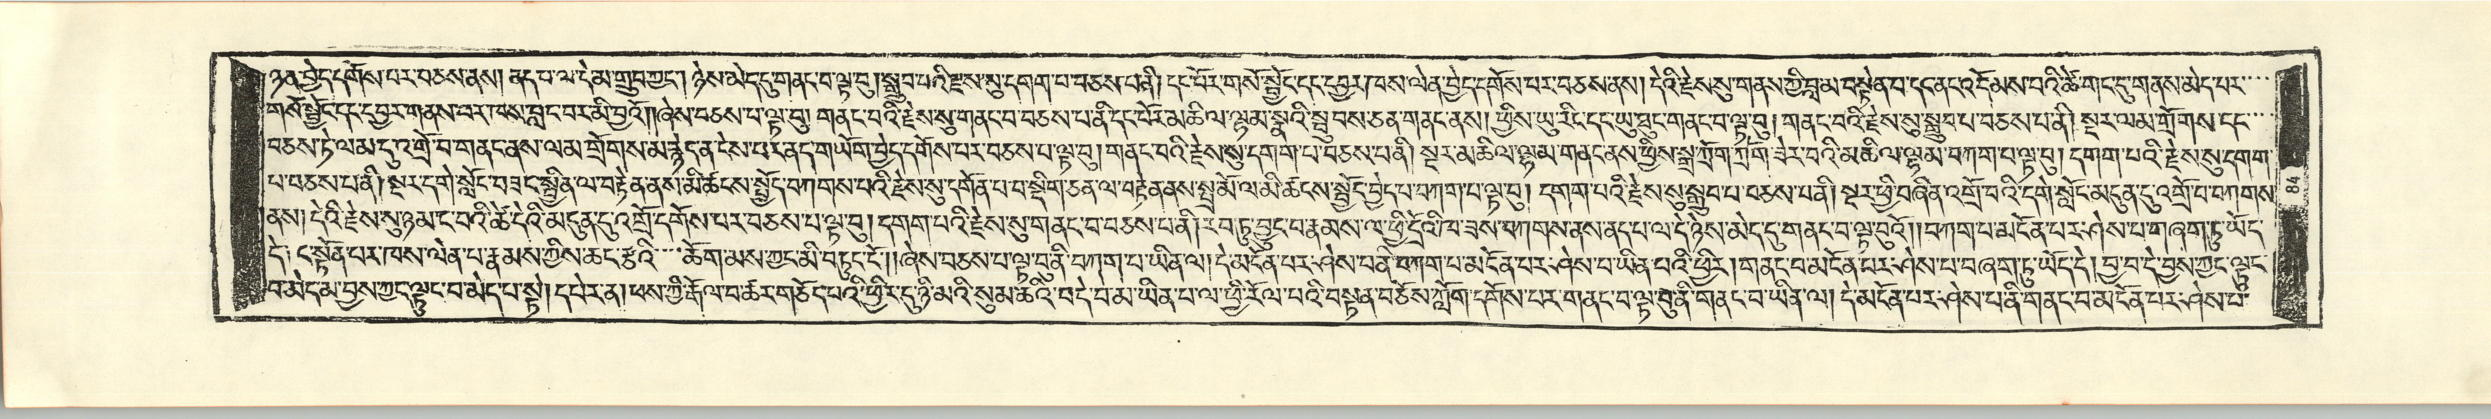ཉན་བྱེད་དགོས་པར་བཅས་ནས། ནད་པ་ལ་དེ་མ་གྲུབ་ཀྱང་། ཉེས་མེད་དུ་གནང་བ་ལྟ་བུ། སྒྲུབ་པའི་རྫས་སུ་དགག་པ་བཅས་པ་ནི། དང་པོར་གསོ་སྦྱོང་དང་དབྱར་ཁས་ལེན་བྱེད་དགོས་པར་བཅས་ནས། དེའི་རྗེས་སུ་གནས་ཀྱི་བླ་མ་བསྟེན་པ་དང་ནང་འདོམས་པའི་ཚེ་གང་དུ་གནས་མེད་པར་
གསོ་སྦྱོང་དང་དབྱར་གནས་པར་ཁས་བླང་བར་མི་བྱའོ། །ཞེས་བཅས་པ་ལྟ་བུ། གནང་བའི་རྗེས་སུ་གནང་བ་བཅས་པ་ནི་དང་པོར་མཆིལ་ལྷམ་སྣའི་སྦུབས་ཅན་གནང་ནས། ཕྱིས་ཡུ་རིང་དང་ཡུ་ཐུང་གནང་བ་ལྟ་བུ། གནང་བའི་རྗེས་སུ་སྒྲུབ་པ་བཅས་པ་ནི། སྔར་ལམ་གྲོགས་དང་
བཅས་ཏེ་ལམ་དུ་འགྲོ་བ་གནང་ནས་ལམ་གྲོགས་མ་རྙེད་ན་ངེས་པར་ནད་གཡོག་བྱེད་དགོས་པར་བཅས་པ་ལྟ་བུ། གནང་བའི་རྗེས་སུ་དགག་པ་བཅས་པ་ནི། སྔར་མཆིལ་ལྷམ་གནང་ནས་ཕྱིས་སྒྲ་ཀྲོག་ཀྲོག་ཟེར་བའི་མཆིལ་ལྷམ་བཀག་པ་ལྟ་བུ། དགག་པའི་རྗེས་སུ་དགག་
པ་བཅས་པ་ནི། སྔར་དགེ་སློང་བཟང་སྦྱིན་ལ་བརྟེན་ནས་མི་ཚངས་སྤྱོད་བཀགས་པའི་རྗེས་སུ་དགོན་པ་བ་སྡིག་ཅན་ལ་བརྟེན་ནས་སྤྲ་མོ་ལ་མི་ཚངས་སྦྱོང་བྱེད་པ་བཀག་པ་ལྟ་བུ། དགག་པའི་རྗེས་སུ་སྒྲུབ་པ་བཅས་པ་ནི། སྔར་ཕྱི་བཞིན་འགྲོ་བའི་དགེ་སློང་མདུན་དུ་འགྲོ་བ་བཀགས་
ནས། དེའི་རྗེས་སུ་ཉམ་ང་བའི་ཚེ་དེའི་མདུན་དུ་འགྲོ་དགོས་པར་བཅས་པ་ལྟ་བུ། །དགག་པའི་རྗེས་སུ་གནང་བ་བཅས་པ་ནི། རབ་ཏུ་བྱུང་བ་རྣམས་ལ་ཕྱི་དྲོའི་ཁ་ཟས་བཀགས་ནས་ནད་པ་ལ་དེ་ཉེས་མེད་དུ་གནང་བ་ལྟ་བུའོ། །བཀག་པ་མངོན་པར་ཤེས་པ་གཞག་ཏུ་ཡོད་
དེ༑ ང་སྟོན་པར་ཁས་ལེན་པ་རྣམས་ཀྱིས་ཆང་རྩའི་ཆོག་མས་ཀྱང་མི་བཏུང་ངོ། །ཞེས་བཅས་པ་ལྟ་བུ་ནི་བཀག་པ་ཡིན་ལ། དེ་མངོན་པར་ཤེས་པ་ནི་བཀག་པ་མངོན་པར་ཤེས་པ་ཡིན་པའི་ཕྱིར། གནང་བ་མངོན་པར་ཤེས་པ་བཞག་ཏུ་ཡོད་དེ། བྱ་བ་དེ་བྱས་ཀྱང་ལྟུང་
བ་མེད་མ་བྱས་ཀྱང་ལྟུང་བ་མེད་པ་སྟེ། དཔེར་ན། ཕས་ཀྱི་རྒོལ་བ་ཚར་གཅོད་པའི་ཕྱིར་དུ་ཉི་མའི་སུམ་ཆའི་བདེ་བ་མ་ཡིན་པ་ལ་ཕྱི་རོལ་པའི་བསྟན་བཅོས་ཀློག་དགོས་པར་གནང་བ་ལྟ་བུ་ནི་གནང་བ་ཡིན་ལ། དེ་མངོན་པར་ཤེས་པ་ནི་གནང་བ་མངོན་པར་ཤེས་པ་